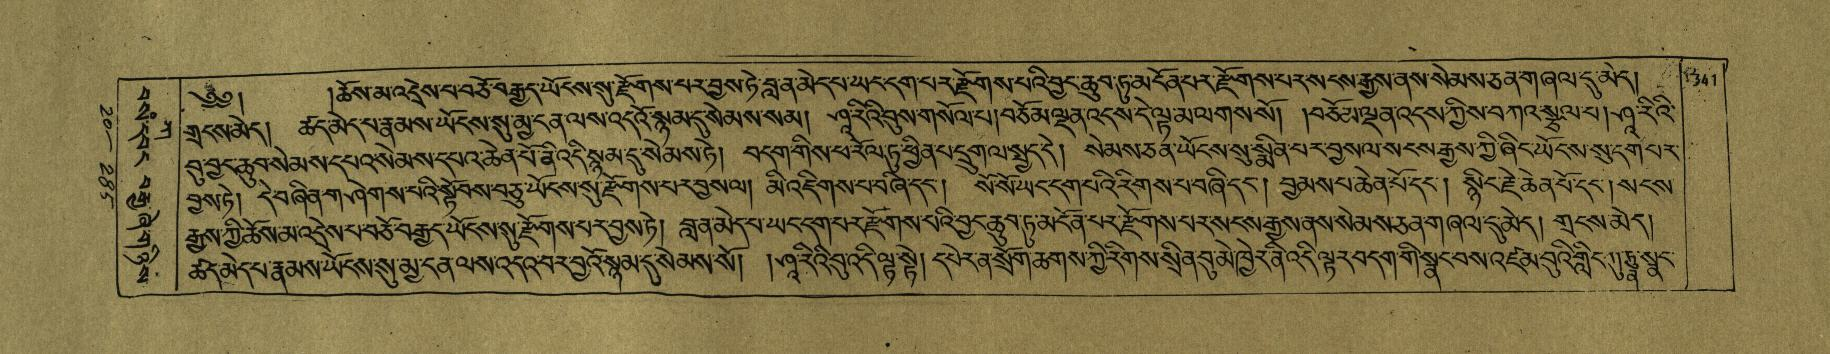༄༅། །ཆོས་མ་འདྲེས་པ་བཅོ་བརྒྱད་ཡོངས་སུ་རྫོགས་པར་བྱས་ཏེ་བླ་ན་མེད་པ་ཡང་དག་པར་རྫོགས་པའི་བྱང་ཆུབ་ཏུ་མངོན་པར་རྫོགས་པར་སངས་རྒྱས་ནས་སེམས་ཅན་གཞལ་དུ་མེད།
གྲངས་མེད། ཚད་མེད་པ་རྣམས་ཡོངས་སུ་མྱ་ངན་ལས་འདའོ་སྙམ་དུ་སེམས་སམ། ཤཱ་རིའི་བུས་གསོལ་པ། བཅོམ་ལྡན་འདས་དེ་ལྟ་མ་ལགས་སོ། །བཅོམ་ལྡན་འདས་ཀྱིས་བཀའ་སྩལ་པ། ཤཱ་རིའི་
བུ་བྱང་ཆུབ་སེམས་དཔའ་སེམས་དཔའ་ཆེན་པོ་ནི་འདི་སྙམ་དུ་སེམས་ཏེ། བདག་གིས་ཕ་རོལ་ཏུ་ཕྱིན་པ་དྲུག་ལ་སྤྱད་དེ། སེམས་ཅན་ཡོངས་སུ་སྨིན་པར་བྱས་ལ་སངས་རྒྱས་ཀྱི་ཞིང་ཡོངས་སུ་དག་པར་
བྱས་ཏེ། དེ་བཞིན་གཤེགས་པའི་སྟོབས་བཅུ་ཡོངས་སུ་རྫོགས་པར་བྱས་ལ། མི་འཇིགས་པ་བཞི་དང་། སོ་སོ་ཡང་དག་པའི་རིགས་པ་བཞི་དང་། བྱམས་པ་ཆེན་པོ་དང་། སྙིང་རྗེ་ཆེན་པོ་དང་། སངས་
རྒྱས་ཀྱི་ཆོས་མ་འདྲེས་པ་བཅོ་བརྒྱད་ཡོངས་སུ་རྫོགས་པར་བྱས་ཏེ། བླ་ན་མེད་པ་ཡང་དག་པར་རྫོགས་པའི་བྱང་ཆུབ་ཏུ་མངོན་པར་རྫོགས་པར་སངས་རྒྱས་ནས་སེམས་ཅན་གཞལ་དུ་མེད། གྲངས་མེད།
ཚད་མེད་པ་རྣམས་ཡོངས་སུ་མྱ་ངན་ལས་འདའ་བར་བྱའོ་སྙམ་དུ་སེམས་སོ། །ཤཱ་རིའི་བུ་འདི་ལྟ་སྟེ། དཔེར་ན་སྲོག་ཆགས་ཀྱི་རིགས་སྲིན་བུ་མེ་ཁྱེར་ནི་འདི་ལྟར་བདག་གི་སྣང་བས་འཛམ་བུའི་གླིང་ཀུ་ཏུ་ན་སྣང་